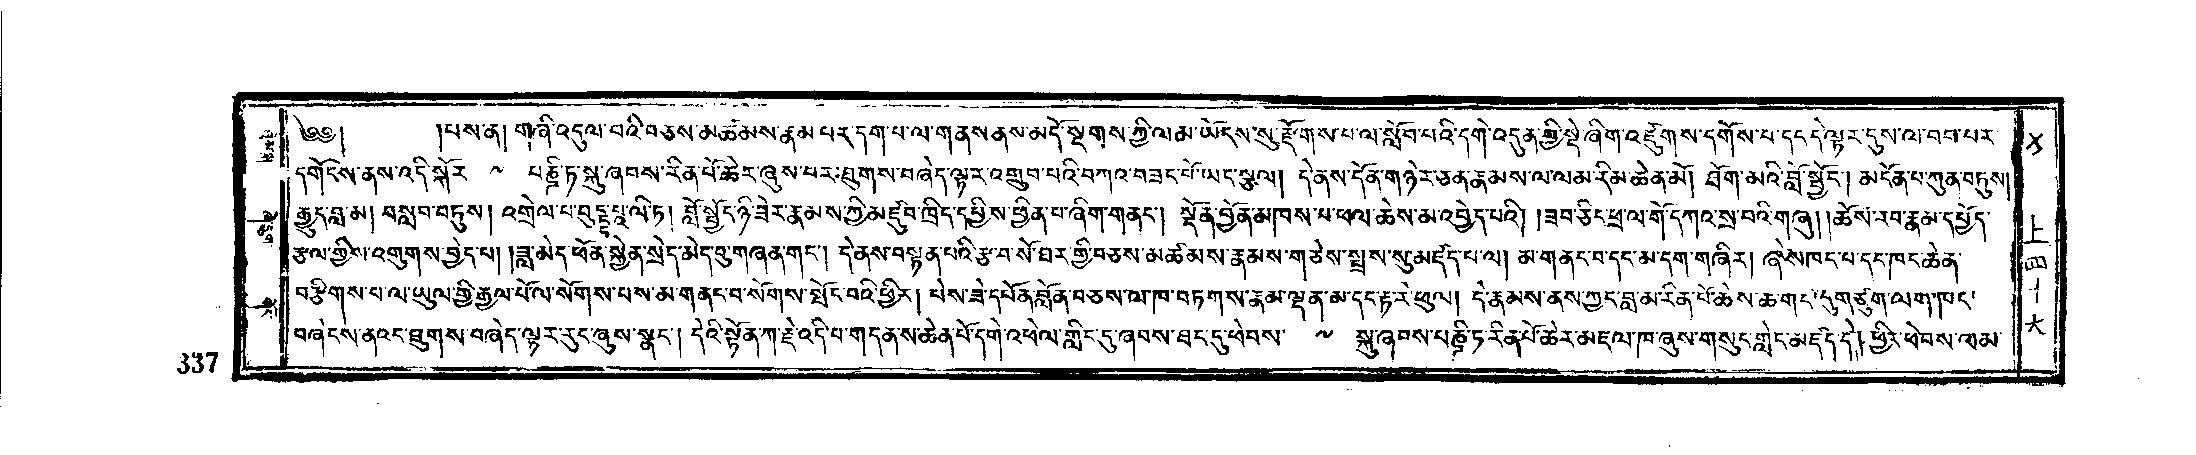༄༅། །པས་ན། གཞི་འདུལ་བའི་བཅས་མཚམས་རྣམ་པར་དག་པ་ལ་གནས་ནས་མདོ་སྔགས་ཀྱི་ལམ་ཡོངས་སུ་རྫོགས་པ་ལ་སློབ་པའི་དགེ་འདུན་གྱི་སྡེ་ཞིག་འཛུགས་དགོས་པ་དང་དེ་ལྟར་དུས་ལ་བབ་པར་
དགོངས་ནས་འདི་སྐོར ༧་པཎྜི་ཏ་སྐུ་ཞབས་རིན་པོ་ཆེར་ཞུས་པར་ཐུགས་བཞེད་ལྟར་འགྲུབ་པའི་བཀའ་བཟང་པོ་ཡང་སྩལ། དེ་ནས་དོན་གཉེར་ཅན་རྣམས་ལ་ལམ་རིམ་ཆེན་མོ། ཐོག་མའི་བློ་སྦྱོང་། མངོན་པ་ཀུན་བཏུས།
རྒྱུད་བླ་མ། བསླབ་བཏུས། འགྲེལ་པ་བུདྡྷ?་པཱ་ལི་ཏ། བློ་སྦྱོང་ཉི་ཟེར་རྣམས་ཀྱི་མཛུབ་ཁྲིད་དཔྱིས་ཕྱིན་པ་ཞིག་གནང་། སྔོན་བྱོན་མཁས་པ་ཕལ་ཆེས་མ་འབྱེད་པའི། །ཟབ་ཅིང་ཕྲ་ལ་གོ་དཀའ་སྲ་བའི་གཞུ། །ཚེས?་རབ་རྣམ་དཔྱོད་
རྩལ་གྱིས་འགུགས་བྱེད་པ། །ཟླ་མེད་ཕོན་སྐྱེན་སྲེད་མེད་བུ་གཞན་གང་། དེ་ནས་བསྟན་པའི་རྩ་བ་སོ་ཐར་གྱི་བཅས་མཚམས་རྣམས་གཅེས་སྤྲས་སུ་མཛད་པ་ལ། མ་གནང་བ་དང་མ་དག་གཞིར། ཞེས་ཁང་པ་དང་ཁང་ཆེན་
བརྩིགས་པ་ལ་ཡུལ་གྱི་རྒྱལ་པོ་ལ་སོགས་པས་མ་གནང་བ་སོགས་སྤོང་བའི་ཕྱིར། པེས་ཟེ་དཔོན་བློན་བཅས་ལ་ཁ་བཏགས་རྣམ་ལྡན་མ་དང་རྟ་རེ་ཕུལ། དེ་རྣམས་ནས་ཀྱང་བླ་མ་རིན་པོ་ཆེ་ས་ཆ་གང་དུ་གཙུག་ལག་ཁང་
བཞེངས་ནའང་ཐུགས་བཞེད་ལྟར་རུང་ཞུས་སྣང་། དེའི་སྟོན་ཀ་རྗེ་འདི་པ་གདན་ས་ཆེན་པོ་དགེ་འཕེལ་གླིང་དུ་ཞབས་ཐང་དུ་ཕེབས ༧་སྐུ་ཞབས་པཎྜི་ཏ་རིན་པོ་ཆེར་མཇལ་ཁ་ཞུས་གསུང་གླེང་མཛད་དེ། ཕྱིར་ཕེབས་ལམ་